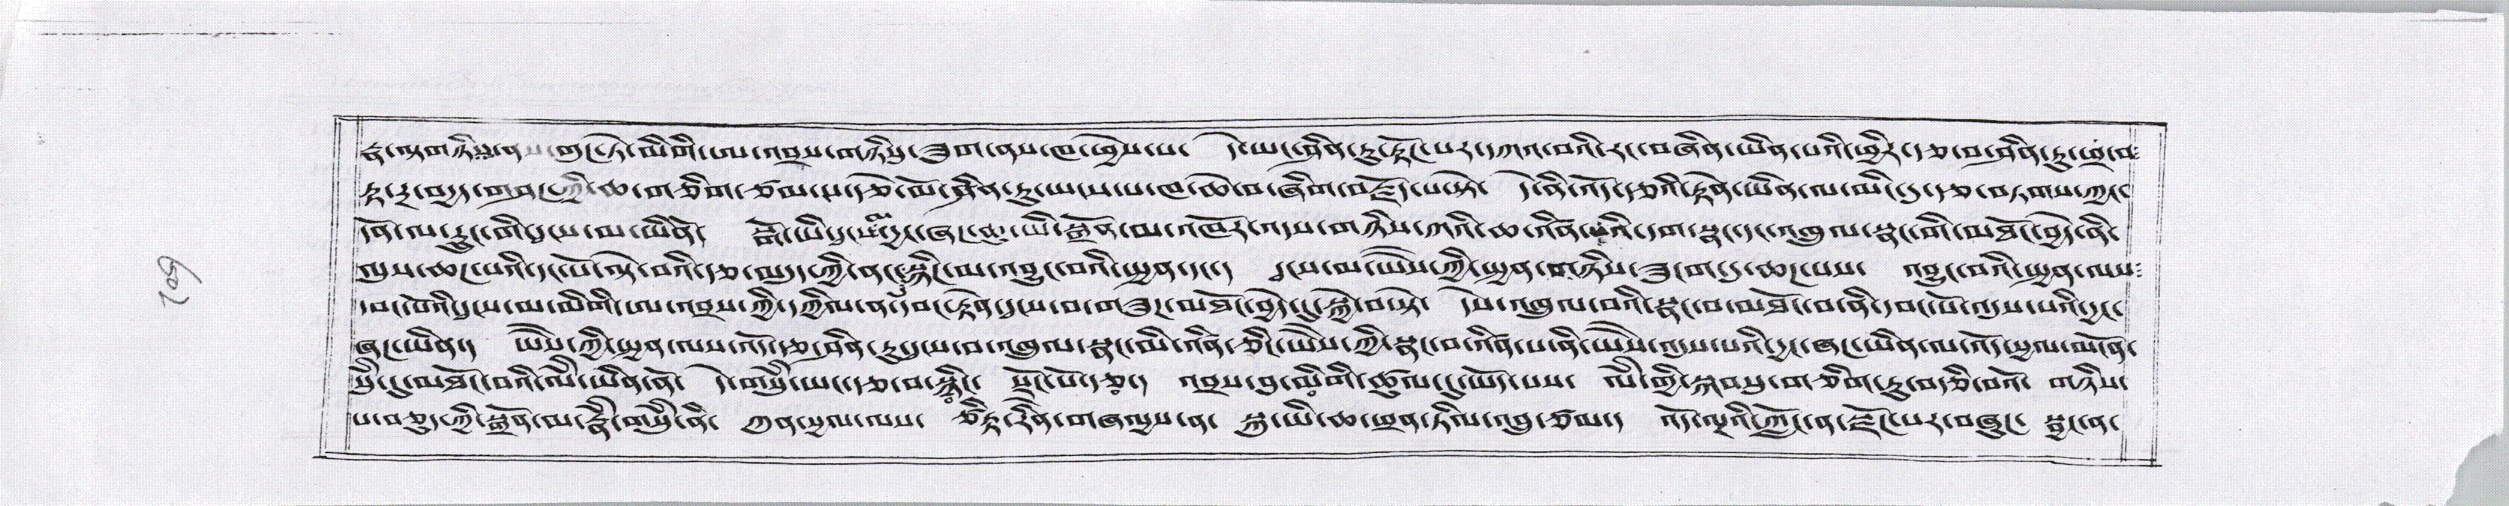རྣ་ལྟག་གཉིས་ནས་གུགས་ཏེ་མིག་གི་ཨ་འབྲས་གཉིས་སུ་ཟུག་ནས་ཁ་ཕྱེས་པ། དེ་ཡང་ཤིན་ཏུ་རྟོགས་པར་དཀའ་བའི་རང་བཞིན་ཡིན་པའི་ཕྱིར། རྩ་བ་ཤིན་ཏུ་ཕྲ་བ་
རྟ་རྔ་བརྒྱད་གཤག་ཀྱི་ཆ་གཅིག་ཙམ་པ་རྩེ་མོ་ཤིན་ཏུ་ཡངས་པ་ཁ་ཆེ་བ་ཞིག་བརྗོད་པ་སྟེ། དེ་ནི་འོད་རྩེའི་རྟེན་ཡིན་ལ། མིང་དུ་རྕ་བཏགས་ཀྱང་
དོན་ལ་རླུང་གི་དྭངས་མ་ཡིན་ནོ། །སྒོ་ཡི་དྭངས་མ་རྒྱང་ཞགས་ཆུ་ཡི་སྒྲོན་མ་འཁོར་འདས་གཉིས་ཀའི་ཆ་འཛིན་པའི་དག་སྣང་དང་འཁྲུལ་སྣང་གི་མཐོང་བྱེད་ནི། 
ལུས་ཆགས་པའི་དང་པོ་ལྟེ་བའི་རྩ་མདུད་ཀྱི་ནང་དུ་སྙིགས་མ་འབྱུང་བའི་སྤྱན་དང་། དྭངས་མ་ཡེ་ཤེས་ཀྱི་སྤྱན་གཉིས་ཟུང་འཇུག་ཏུ་ཆགས་པས་འབྱུང་བའི་སྤྱན་ལས་
དབང་པོའི་དྭངས་མ་མིག་གི་ཨ་འབྲས་ཀྱི་དཀྱིལ་ན་དབང་རྟེན་དྭངས་བ་གཟུགས་མཐོང་བྱེད་དུ་སྐྱེ་བ་སྟེ། དེས་འཁྲུལ་པའི་སྣང་བ་མཐོང་བ་ནི། དབང་པོ་འདུས་པའི་རྒྱང་
ཞགས་ཡིན། ཡེ་ཤེས་ཀྱི་སྤྱན་ལས་འོད་རྩ་ཤིན་ཏུ་དྭངས་པ་འཁྲུལ་སྣང་མི་འཛིན་ཅིང་ཡེ་ཤེས་ཀྱི་སྣང་བ་འཛིན་པ་ནི་ཡེ་ཤེས་འདུས་པའི་རྒྱང་ཞགས་ཡིན་ལ། འོད་གསལ་མངོན་
སུམ་དུ་མཐོང་བའི་ལམ་ཡིན་ནོ། དེ་གསུམ་ཡང་རྩ་བ་སྙིང་། སྡོང་པོ་རྩ། འབྲས་བུ་མིག་གི་ཚུལ་དུ་ཡོད་པས་ལམ་གྱི་སྐབས་སུ་གཅིག་ཏུ་བརྩི་བའོ། །གཉིས་
པ་བཅུད་ཀྱི་སྒྲོན་མ་རྣམ་གསུམ་ནི། ཀུན་གསལ་ལས། ཙིརྟ་རིན་ཆེན་གཞལ་ཡས་ན། སྐུ་ཡི་ཆ་ཕྲན་ཏིལ་འབྲུ་ཙམ། འོད་ལྔའི་ཀློང་ན་རྫོགས་པར་བཞུགས། སྦྱང་ན་